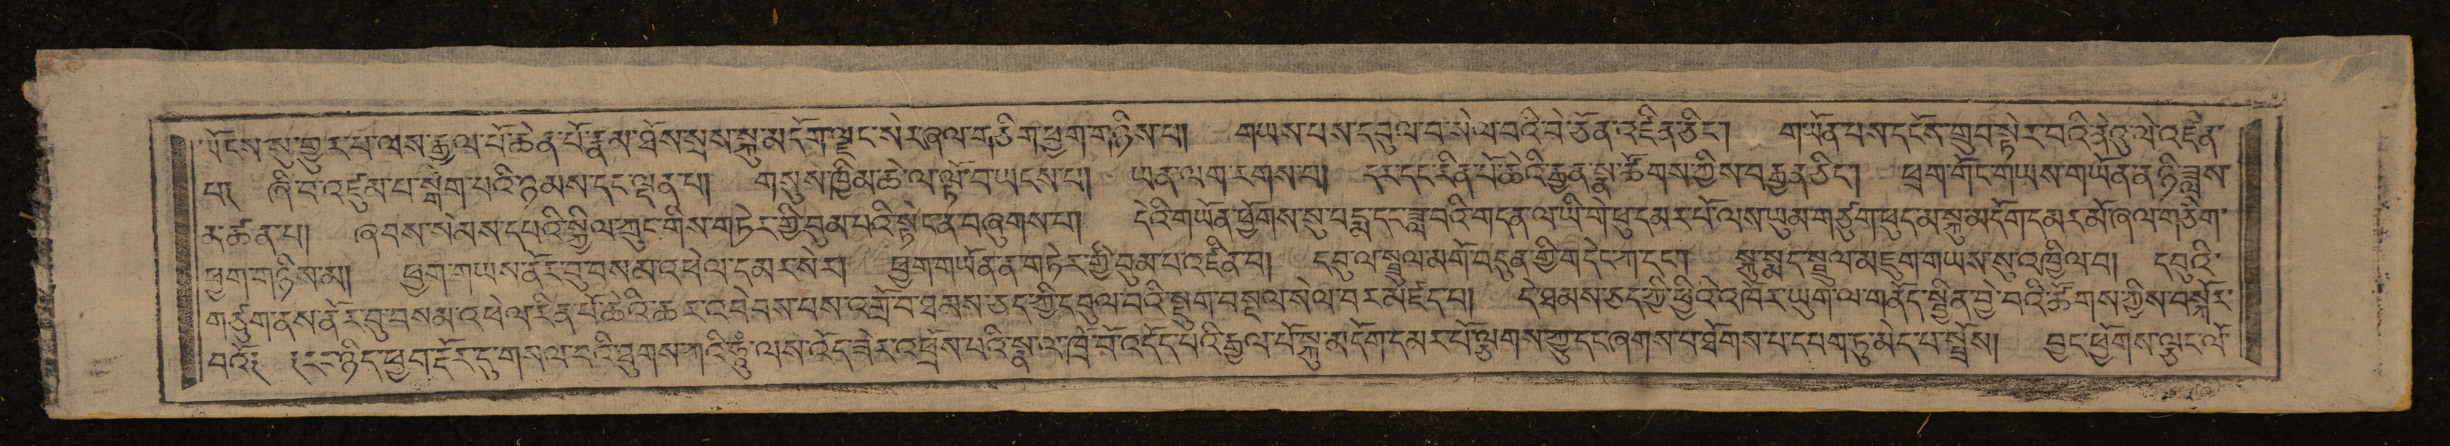ཡོངས་སུ་གྱུར་པ་ལས་རྒྱལ་པོ་ཆེན་པོ་རྣམ་ཐོས་སྲས་སྐུ་མདོག་ལྗང་སེར་ཞལ་གཅིག་ཕྱག་གཉིས་པ། གཡས་པས་དབུལ་བ་སེལ་བའི་བེ་ཅོན་འཛིན་ཅིང་། གཡོན་པས་དངོས་གྲུབ་སྟེར་བའི་ནེའུ་ལེ་འཛིན་
པ༑ ཞི་བ་འཛུམ་པ་སྒེག་པའི་ཉམས་དང་ལྡན་པ། གསུས་ཁྱིམ་ཆེ་ལ་ལྟོ་བ་ཡངས་པ། ཡན་ལག་རགས་པ། དར་དང་རིན་པོ་ཆེའི་རྒྱན་སྣ་ཚོགས་ཀྱིས་བརྒྱན་ཅིང་། ཕྲག་གོང་གཡས་གཡོན་ན་ཉི་ཟླས་
མཚན་པ། ཞབས་སེམས་དཔའི་སྐྱིལ་ཀྲུང་གིས་གཏེར་གྱི་བུམ་པའི་སྟེང་ན་བཞུགས་པ། དེའི་གཡོན་ཕྱོགས་སུ་པདམ་དང་ཟླ་བའི་གདན་ལ་ཡི་གེ་ཕུ་དམར་པོ་ལས་ཡུམ་གཙུག་ཕུད་མ་སྐུ་མདོག་དམར་མོ་ཞལ་གཅིག་
ཕྱག་གཉིས་མ། ཕྱག་གཡས་ནོར་བུ་བསམ་འཕེལ་དམར་སེར། ཕྱག་གཡོན་ན་གཏེར་གྱི་བུམ་པ་འཛིན་པ། དབུ་ལ་སྦྲུལ་མགོ་བདུན་གྱི་གདེང་ཀ་དང་། སྐུ་སྨད་སྦྲུལ་མཇུག་གཡས་སུ་འཁྱིལ་བ། དབུའི་
གཙུག་ནས་ནོར་བུ་བསམ་འཕེལ་རིན་པོ་ཆེའི་ཆར་འབེབས་པས་འགྲོ་བ་ཐམས་ཅད་ཀྱི་དབུལ་བའི་སྡུག་བསྔལ་སེལ་བར་མཛད་པ། དེ་ཐམས་ཅད་ཀྱི་ཕྱིའི་འཁོར་ཡུག་ལ་གནོད་སྦྱིན་བྱེ་བའི་ཚོགས་ཀྱིས་བསྐོར་
བའོ༑ ༑རང་ཉིད་ཕྱག་རྡོར་དུ་གསལ་བའི་ཐུགས་ཀའི་ཧཱུཾ་ལས་འོད་ཟེར་འཕྲོས་པའི་སྣ་ལ་ཁྲོ་བོ་འདོད་པའི་རྒྱལ་པོ་སྐུ་མདོག་དམར་པོ་ལྕགས་ཀྱུ་དང་ཞགས་པ་ཐོགས་པ་དཔག་ཏུ་མེད་པ་སྤྲོས། བྱང་ཕྱོགས་ལྕང་ལོ་